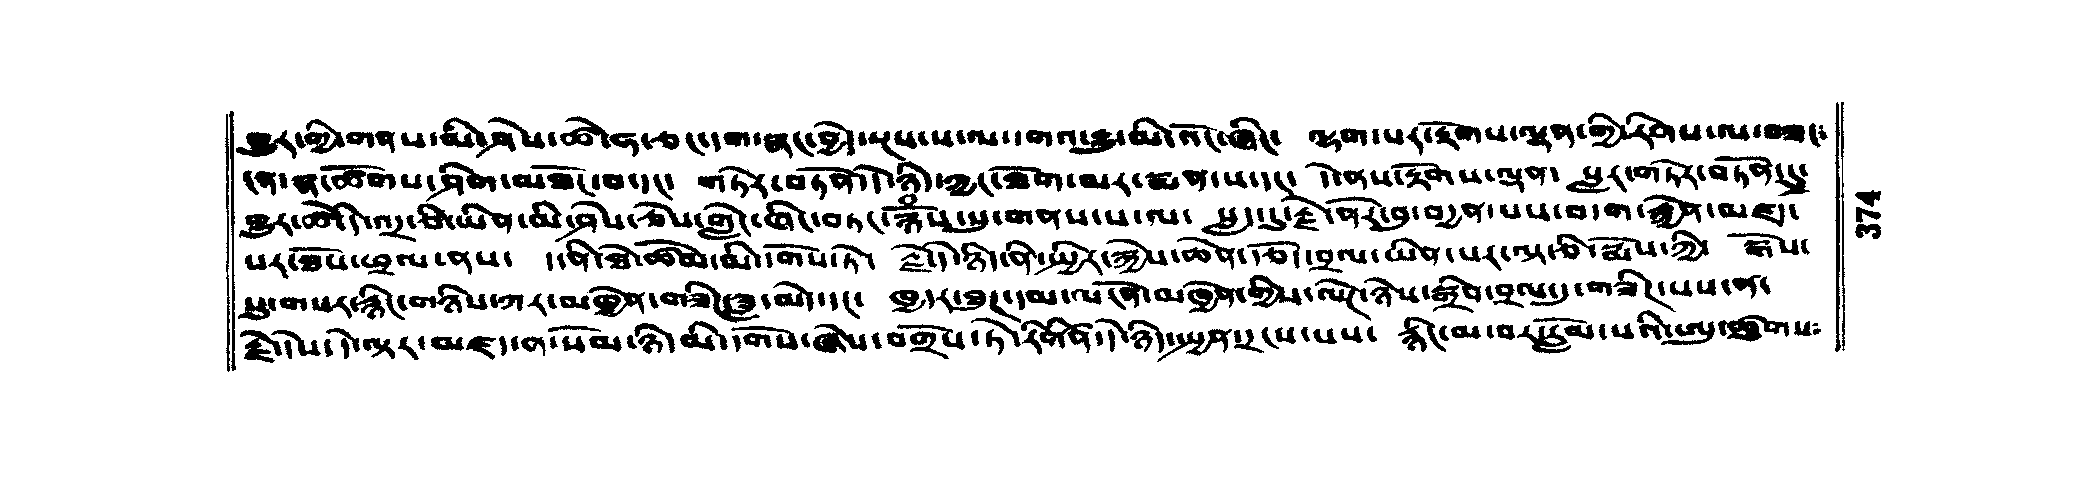གྱུར་གྱི་གནས་མི་ཤེས་ཚེ་ཧ་ཅང་དག་སྣང་བྱེད་སྔས་ས་ལ་དགའ་རྒྱུ་མི་འོང་ཞིང་། ལྷག་པར་རྟོགས་ལྡན་གྱི་རིགས་ལ་བཟང་
ངན་སྣ་ཚོགས་ཤིག་མཐོང་བ་དང་། གཏེར་བཏོན་དེ་ཉིད་ཀྱང་ཐོག་མར་སྨན་པ་དང་། དེ་ནས་རྟོགས་ལྡན་སླར་གཏེར་བཏོན་དུ་
གྱུར་ཚེ་དེ་འདྲ་ཅི་ཡིན་མི་ཤེས་ཅེས་གླེང་གཞི་བཏང་སྙོམས་སུ་གནས་པ་ལ། སླད་དུ་རྗེ་ནོར་བུ་བདག་རྐྱེན་མཛད་
པར་ཐོས་ཕྲལ་ནས། ད་ནི་ཐེ་ཚོམ་མི་དགོས་ཏེ། རྗེ་དེ་ཉིད་ནི་སྤྱིར་སྐྱེས་ཆེན་རྩོད་བྲལ་ཡིན་པར་ལྟ་ཅི་སྨོས་ཀྱི། སྒོས་
སུ་གསར་རྙིང་གཉིས་ཀར་མཁྱེན་གཟིགས་ཟླ་མེད་དང་། ཁྱད་པར་ཐུགས་དམ་མངོན་མཁྱེན་གྱིས་ལེགས་ཉེས་སྒྲིབ་བྲལ་དུ་གཟིགས་པས་ན་
རྗེ་དེས་དེ་ལྟར་མཛད་ནས་སོམ་ཉི་མི་དགོས་ཞེས་བགྲོས་ཏེ་རིག་འཛིན་དེ་ཉིད་སྤྱན་དྲངས་པས། རྙིང་མ་བར་རློམ་པའི་ཨུ་ཚུགས་